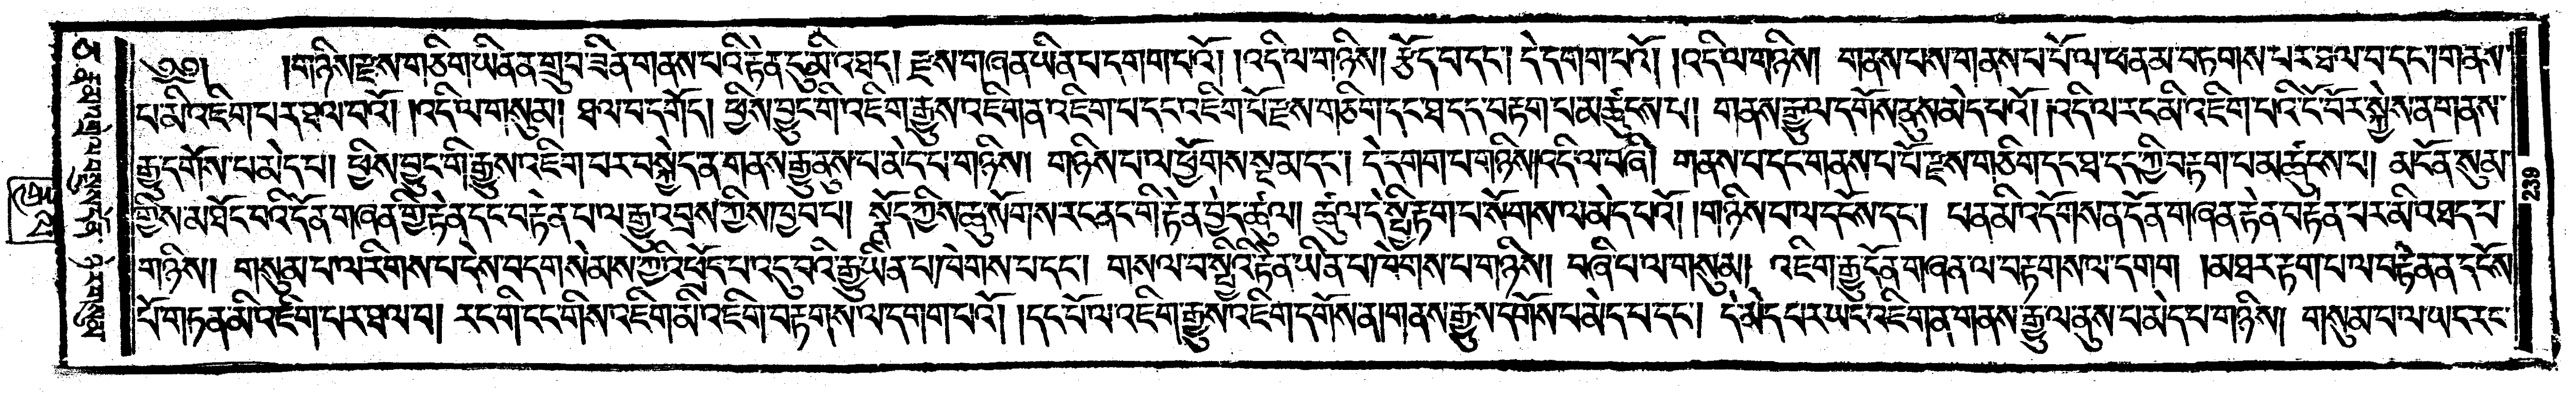༄༅། །གཉིས་རྫས་གཅིག་ཡིན་ན་གྲུབ་ཟིན་གནས་པའི་རྟེན་དུ་མི་འཐད། རྫས་གཞན་ཡིན་པ་དགག་པའོ། །འདི་ལ་གཉིས། རྩོད་པ་དང་། དེ་དགག་པའོ། །འདི་ལ་གཉིས། གནས་པས་གནས་པ་པོ་ལ་ཕན་མ་བཏགས་པར་ཐལ་བ་དང་། གནས་
པ་མི་འཇིག་པར་ཐལ་བའོ། །འདི་ལ་གསུམ། ཐལ་བ་དགོད། ཕྱིས་བྱུང་གི་འཇིག་རྒྱུས་འཇིག་ན་འཇིག་པ་དང་འཇིག་པོ་རྫས་གཅིག་དང་ཐ་དད་བརྟག་པ་མཚུངས་པ། གནས་རྒྱུ་ལ་དགོས་ནུས་མེད་པའོ། །འདི་ལ་རང་མི་འཇིག་པའི་ངོ་བོར་སྐྱེས་ན་གནས་
རྒྱུ་དགོས་པ་མེད་པ། ཕྱིས་བྱུང་གི་རྒྱུས་འཇིག་པར་བསྐྱེད་ན་གནས་རྒྱུ་ནུས་པ་མེད་པ་གཉིས། གཉིས་པ་ལ་ཕྱོགས་སྔ་མ་དང་། དེ་དགག་པ་གཉིས། འདི་ལ་བཞི། གནས་པ་དང་གནས་པ་པོ་རྫས་གཅིག་དང་ཐ་དད་ཀྱི་བརྟག་པ་མཚུངས་པ། མངོན་སུམ་
གྱིས་མཐོང་བའི་དོན་གཞན་གྱི་རྟེན་དང་བརྟེན་པ་ལ་རྒྱུ་འབྲས་ཀྱིས་ཁྱབ་པ། སྣོད་ཀྱིས་ཆུ་སོགས་རང་ནང་གི་རྟེན་བྱེད་ཚུལ། ཚུལ་དེ་སྤྱི་རྟག་པ་སོགས་ལ་མེད་པའོ། །གཉིས་པ་ལ་དངོས་དང་། ཕན་མི་འདོགས་ན་དོན་གཞན་རྟེན་བརྟེན་པར་མི་འཐད་པ་
གཉིས། གསུམ་པ་ལ་རིགས་པ་དེས་བདག་སེམས་ཀྱི་འཕྲོད་པ་འདུ་བའི་རྒྱུ་ཡིན་པ་ཁེགས་པ་དང་། གསལ་བ་སྤྱིའི་རྟེན་ཡིན་པ་ཁེགས་པ་གཉིས། བཞི་པ་ལ་གསུམ། འཇིག་རྒྱུ་དོན་གཞན་ལ་བརྟགས་ལ་དགག །མཐར་རྟག་པ་ལ་བརྟེན་ན་དངོས་
པོ་གཏན་མི་འཇིག་པར་ཐལ་བ། རང་གི་ངང་གིས་འཇིག་མི་འཇིག་བརྟགས་ལ་དགག་པའོ། །དང་པོ་ལ་འཇིག་རྒྱུས་འཇིག་དགོས་ན། གནས་རྒྱུས་དགོས་པ་མེད་པ་དང་། དེ་མེད་པར་ཡང་འཇིག་ན་གནས་རྒྱུ་ལ་ནུས་པ་མེད་པ་གཉིས། གསུམ་པ་ལ་ཡང་རང་